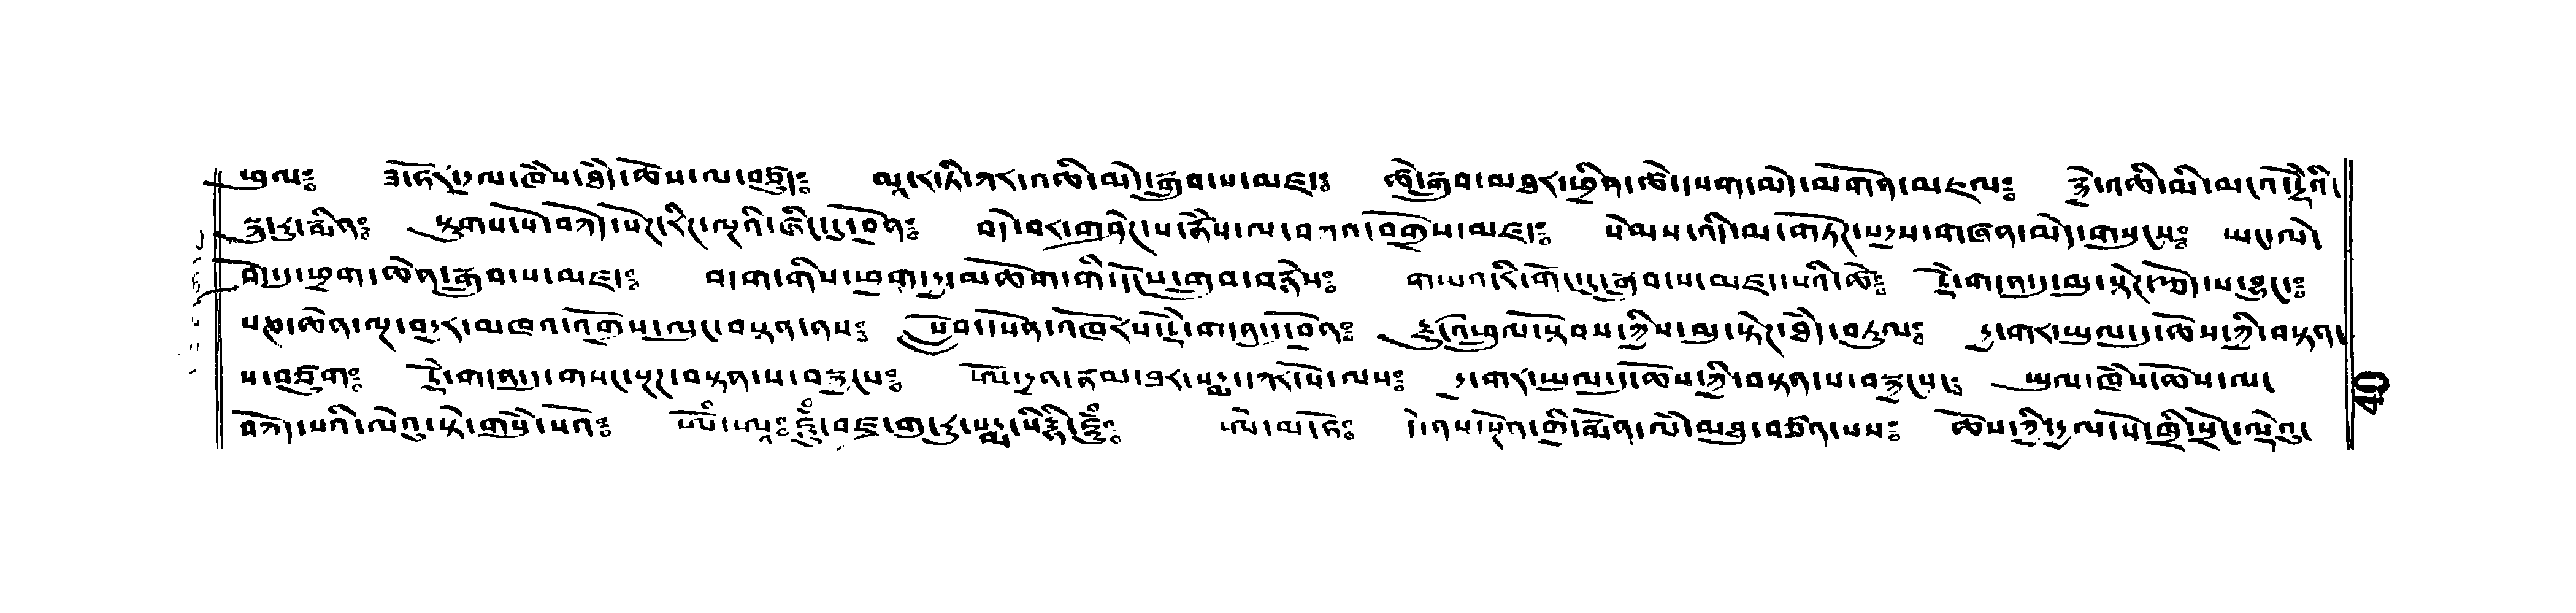ཕུལ༔ ཟ་ཧོར་རྒྱལ་ཁམས་ཐམས་ཅད་ཆོས་ལ་བཙུད༔ མཱ་ར་ཏི་ཀར་འཆི་མེད་སྒྲུབ་པ་མཛད༔ ཚེ་སྒྲུབ་མཐར་ཕྱིན་ཚེ་དཔག་མེད་མགོན་མཇལ༔ སྐྱེ་འཆི་མི་མངའ་རྡོ་རྗེའི་
སྐུ་རུ་སྨིན༔སྟུག་པོ་བཀོད་སོགས་རིགས་ལྔའི་ཞིང་དུ་བྱོན༔ བདེ་བར་གཤེགས་པ་རྣམས་ལ་བཀའ་བགྲོས་མཛད༔ སེམས་འདི་མ་གཏོགས་སངས་རྒྱས་གཞན་མེད་གསུངས༔ ཡང་ལེ་
ཤོད་དུ་ཕྱག་ཆེན་སྒྲུབ་པ་མཛད༔ བདག་གིས་ཕྱག་རྒྱ་མཆོག་གི་དངོས་གྲུབ་བརྙེས༔ གཡའ་རི་གོང་དུ་སྒྲུབ་པ་མཛད་པའི་ཚེ༔ རྡོ་རྗེ་གདན་དུ་མུ་སྟེགས་རྩོད་པ་བྱུང༔ 
པཎ་ཆེན་ལྔ་བརྒྱར་མཁའ་འགྲོས་ལུང་བསྟན་ནས༔ སློབ་དཔོན་འཁོར་བཅས་རྡོ་རྗེ་གདན་དུ་བྱོན༔ རྫུ་འཕྲུལ་སྟོབས་ཀྱིས་མུ་སྟེགས་ཐམས་ཅད་བཏུལ༔ རྒྱ་གར་ཡུལ་དུ་ཆོས་ཀྱི་བསྟན་
པ་བཙུགས༔ རྡོ་རྗེ་གདན་དུ་གསང་སྔགས་བསྟན་པ་བསྐྱངས༔ ཨོ་རྒྱན་རྣམ་ཐར་པདྨ་དཀར་པོ་ལས༔ རྒྱ་གར་ཡུལ་དུ་ཆོས་ཀྱི་བསྟན་པ་བསྐྱངས༔ ཡུལ་ཁམས་ཆོས་ལ་
བཀོད་པའི་ལེའུ་སྟེ་གསུམ་པའོ༔ ཨོཾ་ཨཱཿཧཱུྃ་བཛྲ་གུ་རུ་པདྨ་སིདྡྷི་ཧཱུྃ༔ ཨེ་མ་ཧོ༔ དེ་ནས་སྔོན་གྱི་སྨོན་ལམ་མཐུ་བཙན་པས༔ ཆོས་ཀྱི་རྒྱལ་པོ་ཁྲི་སྲོང་ལྡེའུ་